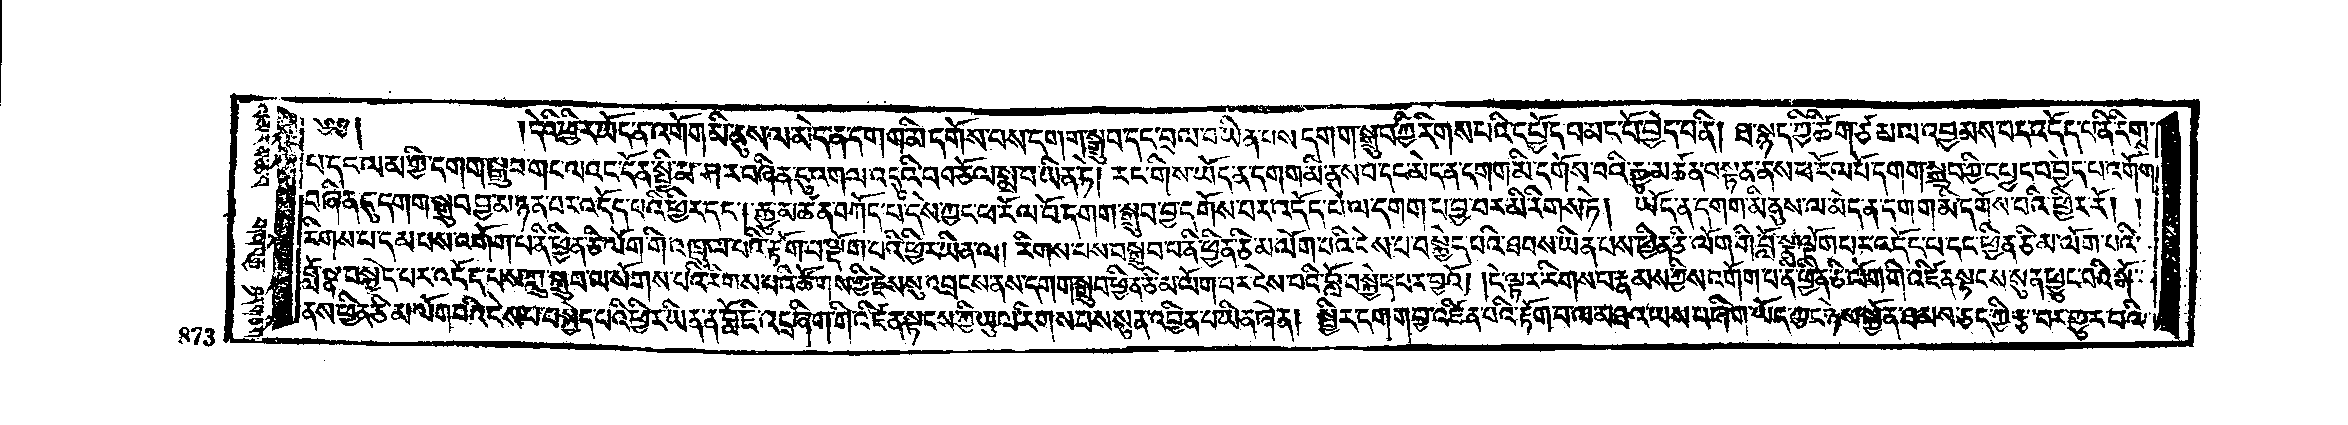༄༅། །དེའི་ཕྱིར་ཡོད་ན་འགོག་མི་ནུས་ལ་མེད་ན་དགག་མི་དགོས་པས་དགག་སྒྲུབ་དང་བྲལ་བ་ཡིན་པས་དགག་སྒྲུབ་ཀྱི་རིགས་པའི་དཔྱོད་པ་མང་པོ་བྱེད་པ་ནི། ཐ་སྙད་ཀྱི་ཚིག་ཙམ་ལ་འབྱམས་པར་འདོད་པ་ནི་རིགས་
པ་དང་ལམ་གྱི་དགག་སྒྲུབ་གང་ལའང་དོན་སྤྱི་མ་ཤར་བཞིན་དུ་འགལ་འདུའི་བབ་ཅོལ་སྨྲ་བ་ཡིན་ཏེ། རང་གིས་ཡོད་ན་དགག་མི་ནུས་པ་དང་མེད་ན་དགག་མི་དགོས་པའི་རྒྱུ་མཚན་བསྟན་ནས་ཕ་རོལ་པོ་དགག་སྒྲུབ་ཀྱི་དཔྱད་པ་བྱེད་པ་འགོག་
བཞིན་དུ་དགག་སྒྲུབ་བྱ་མི་ཉན་པར་འདོད་པའི་ཕྱིར་དང་། རྒྱུ་མཚན་བཀོད་པ་དེས་ཀྱང་ཕ་རོལ་པོ་དགག་སྒྲུབ་བྱ་དགོས་པར་འདོད་པ་ལ་དགག་པ་བྱ་བར་མི་རིགས་ཏེ། ཡོད་ན་དགག་མི་ནུས་ལ་མེད་ན་དགག་མི་དགོས་པའི་ཕྱིར་རོ། །
རིགས་པ་དམ་པས་འགོག་པ་ནི་ཕྱིན་ཅི་ལོག་གི་འཁྲུལ་པའི་རྟོག་པ་ལྡོག་པའི་ཕྱིར་ཡིན་ལ། རིགས་པས་བསྒྲུབ་པ་ནི་ཕྱིན་ཅི་མ་ལོག་པའི་ངེས་པ་བསྐྱེད་པའི་ཐབས་ཡིན་པས་ཕྱིན་ཅི་ལོག་གི་བློ་སྣ་ལྡོག་པར་འདོད་པ་དང་ཕྱིན་ཅི་མ་ལོག་པའི་
བློ་སྣ་བསྐྱེད་པར་འདོད་པས་ཀླུ་སྒྲུབ་ལ་སོགས་པའི་རིགས་པའི་ཚོགས་ཀྱི་རྗེས་སུ་འབྲངས་ནས་དགག་སྒྲུབ་ཕྱིན་ཅི་མ་ལོག་པར་ངེས་པའི་བློ་བསྐྱེད་པར་བྱའོ། །དེ་ལྟར་རིགས་པ་རྣམས་ཀྱིས་འགོག་པ་ནི་ཕྱིན་ཅི་ལོག་གི་འཛིན་སྟངས་སུན་ཕྱུང་བའི་སྒོ་
ནས་ཕྱིན་ཅི་མ་ལོག་པའི་ངེས་པ་བསྐྱེད་པའི་ཕྱིར་ཡིན་ན་བློ་ཇི་འདྲ་ཞིག་གི་འཛིན་སྟངས་ཀྱི་ཡུལ་རིགས་པས་སུན་འབྱིན་པ་ཡིན་ཞེ་ན། སྤྱིར་དགག་བྱ་འཛིན་པའི་རྟོག་པ་ལ་མཐའ་ཡས་པ་ཞིག་ཡོད་ཀྱང་ཉེས་སྐྱོན་ཐམས་ཅད་ཀྱི་རྩ་བར་གྱུར་པའི་